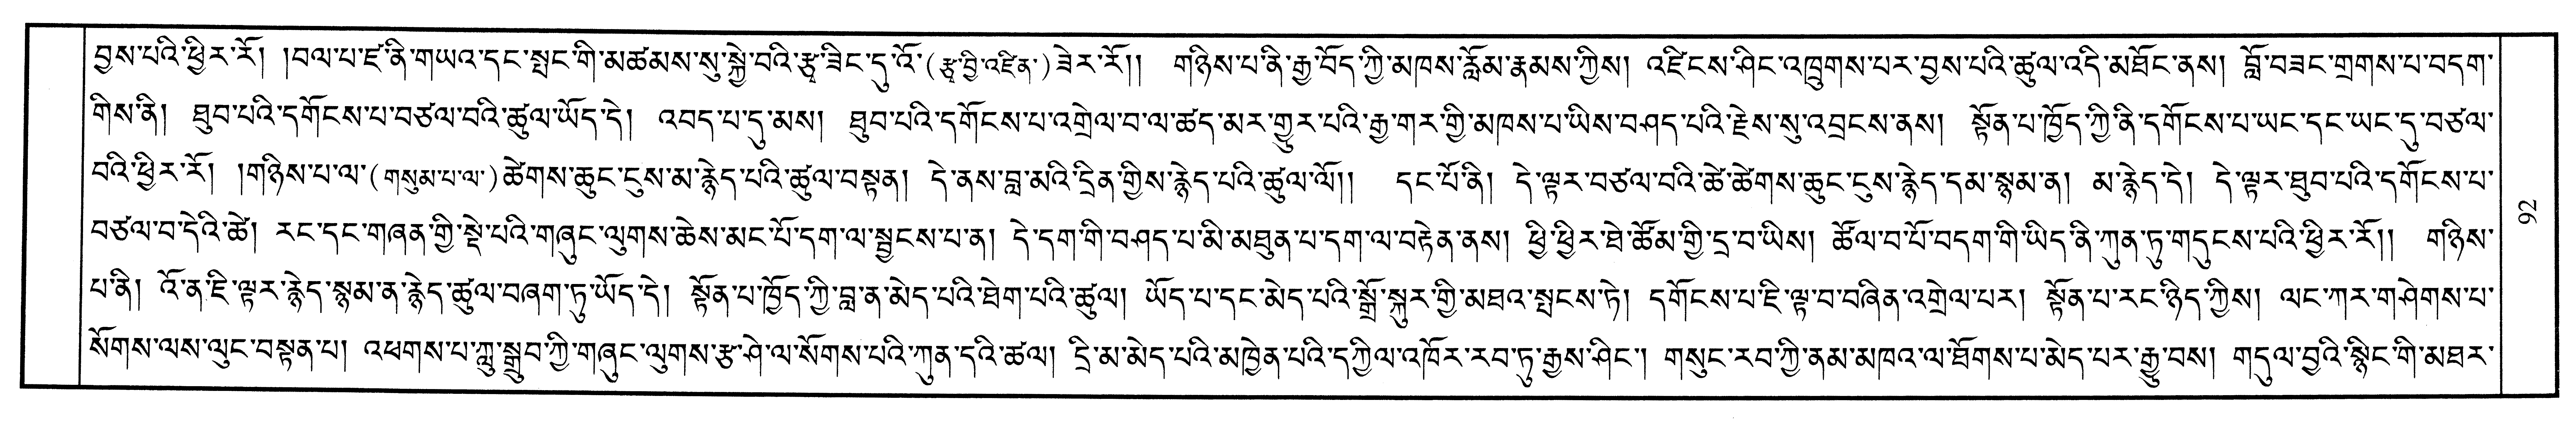བྱས་པའི་ཕྱིར་རོ། །བལ་པ་ཛ་ནི་གཡའ་དང་སྤང་གི་མཚམས་སུ་སྐྱེ་བའི་རྩྭ་ཟིང་དུ་འོ་རྩྭ་བྱི་འཛིན་ཟེར་རོ།། གཉིས་པ་ནི་རྒྱ་བོད་ཀྱི་མཁས་རློམ་རྣམས་ཀྱིས། འཛིངས་ཤིང་འཁྲུགས་པར་བྱས་པའི་ཚུལ་འདི་མཐོང་ནས། བློ་བཟང་གྲགས་པ་བདག་
གིས་ནི། ཐུབ་པའི་དགོངས་པ་བཙལ་བའི་ཚུལ་ཡོད་དེ། འབད་པ་དུ་མས། ཐུབ་པའི་དགོངས་པ་འགྲེལ་བ་ལ་ཚད་མར་གྱུར་པའི་རྒྱ་གར་གྱི་མཁས་པ་ཡིས་བཤད་པའི་རྗེས་སུ་འབྲངས་ནས། སྟོན་པ་ཁྱོད་ཀྱི་ནི་དགོངས་པ་ཡང་དང་ཡང་དུ་བཙལ་
བའི་ཕྱིར་རོ། །གཉིས་པ་ལ་གསུམ་པ་ལ་ཚེགས་ཆུང་ངུས་མ་རྙེད་པའི་ཚུལ་བསྟན། དེ་ནས་བླ་མའི་དྲིན་གྱིས་རྙེད་པའི་ཚུལ་ལོ།། དང་པོ་ནི། དེ་ལྟར་བཙལ་བའི་ཚེ་ཚེགས་ཆུང་ངུས་རྙེད་དམ་སྙམ་ན། མ་རྙེད་དེ། དེ་ལྟར་ཐུབ་པའི་དགོངས་པ་
བཙལ་བ་དེའི་ཚེ། རང་དང་གཞན་གྱི་སྡེ་པའི་གཞུང་ལུགས་ཆེས་མང་པོ་དག་ལ་སྦྱངས་པ་ན། དེ་དག་གི་བཤད་པ་མི་མཐུན་པ་དག་ལ་བརྟེན་ནས། ཕྱི་ཕྱིར་ཐེ་ཚོམ་གྱི་དྲ་བ་ཡིས། ཚོལ་བ་པོ་བདག་གི་ཡིད་ནི་ཀུན་ཏུ་གདུངས་པའི་ཕྱིར་རོ།། གཉིས་
པ་ནི། འོ་ན་ཇི་ལྟར་རྙེད་སྙམ་ན་རྙེད་ཚུལ་བཞག་ཏུ་ཡོད་དེ། སྟོན་པ་ཁྱོད་ཀྱི་བླ་ན་མེད་པའི་ཐེག་པའི་ཚུལ། ཡོད་པ་དང་མེད་པའི་སྒྲོ་སྐུར་གྱི་མཐའ་སྤངས་ཏེ། དགོངས་པ་ཇི་ལྟ་བ་བཞིན་འགྲེལ་པར། སྟོན་པ་རང་ཉིད་ཀྱིས། ལང་ཀར་གཤེགས་པ་
སོགས་ལས་ལུང་བསྟན་པ། འཕགས་པ་ཀླུ་སྒྲུབ་ཀྱི་གཞུང་ལུགས་རྩ་ཤེ་ལ་སོགས་པའི་ཀུན་དའི་ཚལ། དྲི་མ་མེད་པའི་མཁྱེན་པའི་དཀྱིལ་འཁོར་རབ་ཏུ་རྒྱས་ཤིང་། གསུང་རབ་ཀྱི་ནམ་མཁའ་ལ་ཐོགས་པ་མེད་པར་རྒྱུ་བས། གདུལ་བྱའི་སྙིང་གི་མཐར་